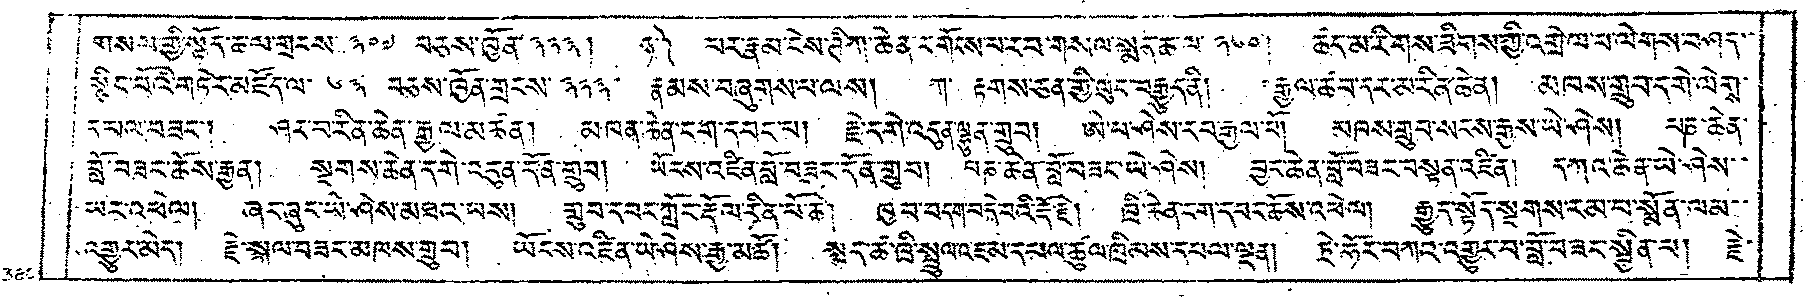གསལ་གྱི་སྟོད་ཆ་ལ་གྲངས ༣༠༧་བཅས་ཁྱོན ༣༢༣། ཉ྄་པར་རྣམ་ངེས་ཊིཀ་ཆེན་དགོངས་པ་རབ་གསལ་སྨད་ཆ་ལ ༢༦༠། ཚད་མ་རིགས་ཐིགས་ཀྱི་འགྲེལ་པ་ལེགས་བཤད་
སྙིང་པོའི་གཏེར་མཛོད་ལ ༦༣་བཅས་ཁྱོན་གྲངས ༣༢༣་རྣམས་བཞུགས་པ་ལས། ཀ་རྟགས་ཅན་གྱི་ལུང་བརྒྱུད་ནི། ༧རྒྱལ་ཚབ་དར་མ་རིན་ཆེན། མཁས་གྲུབ་དགེ་ལེགས་
དཔལ་བཟང་། ཤར་པ་རིན་ཆེན་རྒྱལ་མཚན། མཁན་ཆེན་ངག་དབང་པ། རྗེ་དགེ་འདུན་ལྷུན་གྲུབ། ཨེ་པ་ཤེས་རབ་རྒྱལ་པོ། མཁས་གྲུབ་སངས་རྒྱས་ཡེ་ཤེས། པཎ་ཆེན་
བློ་བཟང་ཆོས་རྒྱན། སྔགས་ཆེན་དགེ་འདུན་དོན་གྲུབ། ཡོངས་འཛིན་བློ་བཟང་དོན་གྲུབ། པཎ་ཆེན་བློ་བཟང་ཡེ་ཤེས། བྱང་ཆེན་བློ་བཟང་བསྟན་འཛིན། དཀའ་ཆེན་ཡེ་ཤེས་
ཡར་འཕེལ། ཞང་ཞུང་ཡེ་ཤེས་མཐའ་ཡས། གྲུབ་དབང་ཀློང་རྡོལ་རིན་པོ་ཆེ། ཁྱབ་བདག་བདེ་བའི་རྡོ་རྗེ། ཁྲི་ཆེན་ངག་དབང་ཆོས་འཕེལ། རྒྱུད་སྟོད་སྔགས་རམ་པ་སྨོན་ལམ་
འགྱུར་མེད། རྗེ་སྐལ་བཟང་མཁས་གྲུབ། ཡོངས་འཛིན་ཡེ་ཤེས་རྒྱ་མཚོ། སྨད་ཚ་ཁྲི་སྤྲུལ་འཇམ་དཔལ་ཚུལ་ཁྲིམས་དཔལ་ལྡན། ཏྲེ་ཧོར་བཀའ་འགྱུར་བ་བློ་བཟང་སྦྱིན་པ། རྗེ་